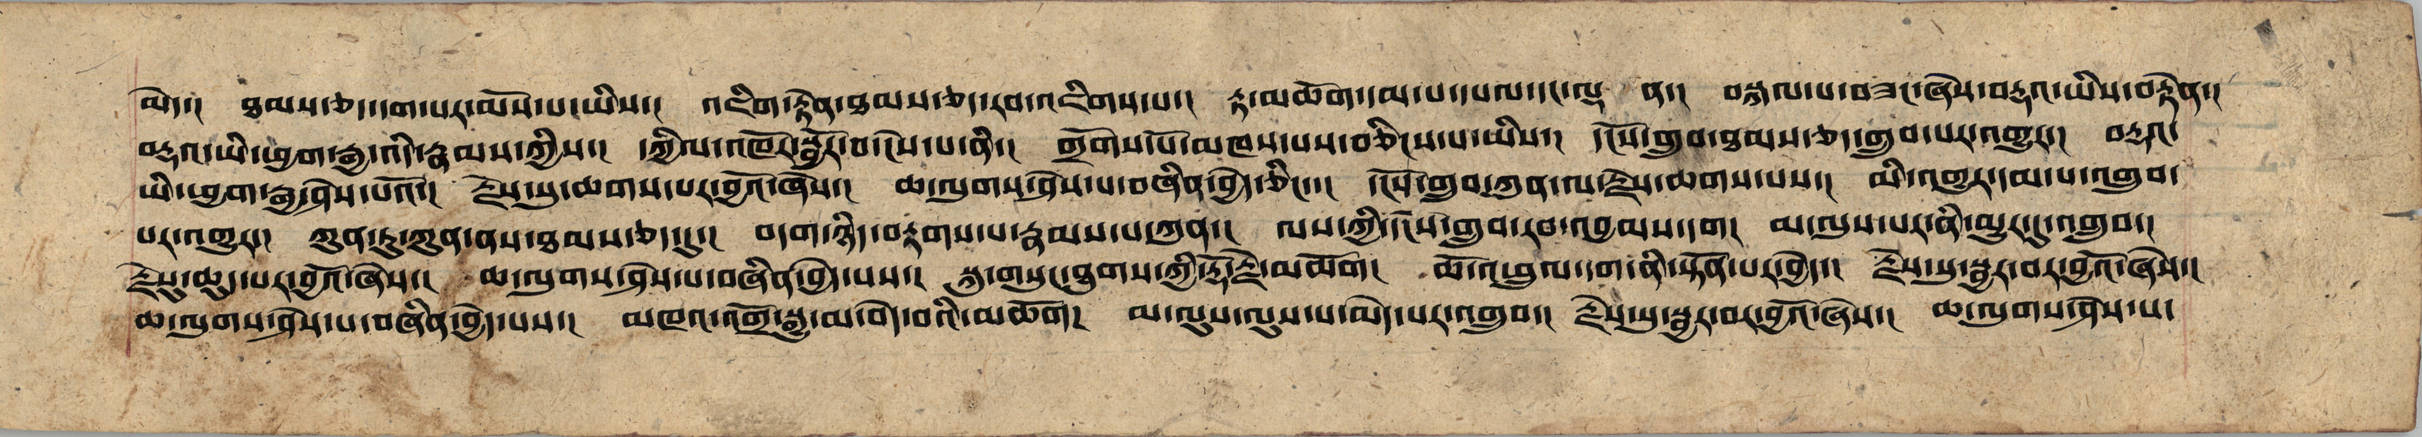མེད་། ཐམས་ཅད་དག་པར་མོས་པ་ཡིས་། འཇིག་རྟེན་ཐམས་ཅད་རབ་འཇིགས་པ་། རྟ་མཆོག་དམ་པ་དཔལ་དང་ལྡ ན་། བསྐལ་པ་བཟང་ཞེས་བརྡའ་ཡིས་བརྟེན་།
བརྡའ་ཡི་ཕྱག་རྒྱ་འདི་རྣམས་ཀྱིས་། དཀྱིལ་འཁོར་སྦྱོར་བ་ངེས་པ་ནི་། གྲོགས་པོ་མཁས་པས་བཅིངས་པ་ཡིས་། དངོས་གྲུབ་ཐམས་ཅད་གྲུབ་པར་འགྱུར་། བརྡའ་
ཡི་ཕྱག་རྒྱ་ཤེས་པའོ་། རྗེས་སུ་ཆགས་པར་བྱའོ་ཞེས་། ཆ་ལུགས་ཤེས་པ་བཞིན་བྱེད་ཅིང་། དངོས་གྲུབ་ཀུན་ལ་རྗེས་ཆགས་པས་། མི་འགྱུར་དམ་པ་འགྲུབ་
པར་འགྱུར་། ཀུན་ཏུ་ཀུན་ནས་ཐམས་ཅད་དུ་། བདག་ཉིད་བརྟགས་པ་རྣམས་པ་ཀུན་། ལས་ཀྱི་དངོས་གྲུབ་རབ་འབྱམས་དག། མ་ལུས་པར་ནི་མྱུར་དུ་འགྲུབ་།
རྗེསུ་ཆུད་པར་བྱའོ་ཞེས་། ཆ་ལུགས་ཤེས་པ་བཞིན་བྱེད་པས་། སྐུ་གསུང་ཐུགས་ཀྱི་རྡོ་རྗེ་མཆོག། ཆོ་འཕྲུལ་དག་ནི་སྟོན་པར་བྱེད་། རྗེས་སུ་སྦྱར་བར་བྱའོ་ཞེས་།
ཆ་ལུགས་ཤེས་པ་བཞིན་བྱེད་པས་། མཁའ་འགྲོ་སྒྱུ་མ་བདེ་བའི་མཆོག། མ་ལུས་ལུས་པ་མེད་པར་འགྲུབ་། རྗེས་སུ་སྦྱར་བར་བྱའོ་ཞེས་། ཆ་ལུགས་ཤེས་པ་